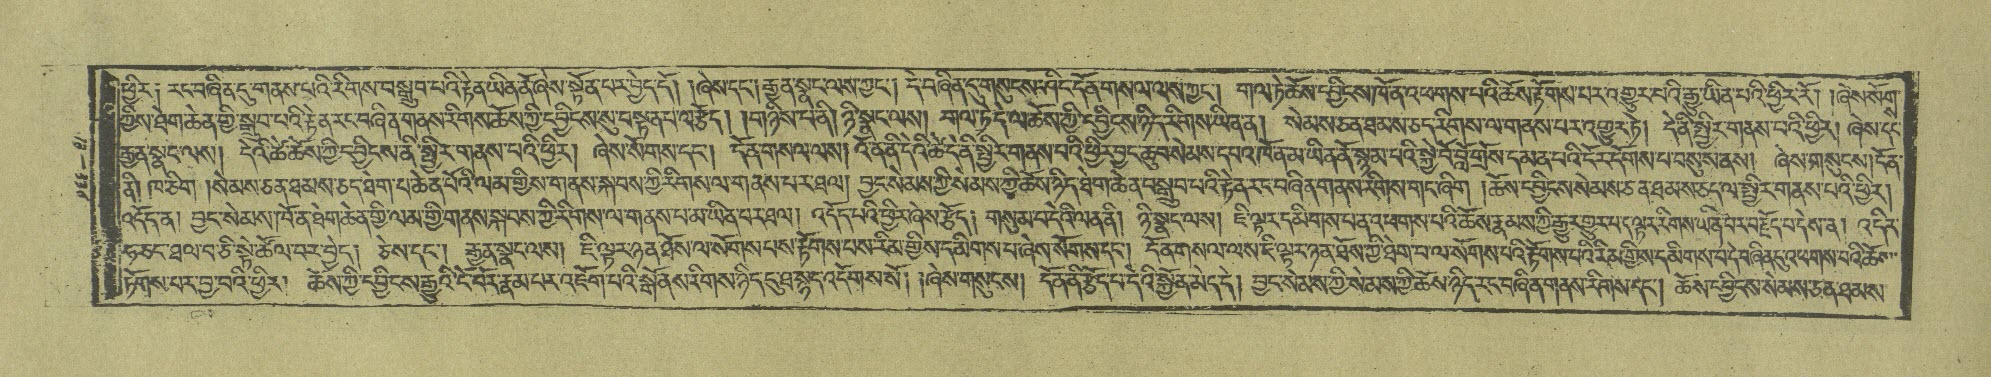ཕྱིར། རང་བཞིན་དུ་གནས་པའི་རིགས་བསྒྲུབ་པའི་རྟེན་ཡིན་ནོ་ཞེས་སྟོན་པར་བྱེད་དོ། །ཞེས་དང་། རྒྱན་སྣང་ལས་ཀྱང་། དེ་བཞིན་དུ་གསུངས་ཤིང་དོན་གསལ་ལས་ཀྱང་། གལ་ཏེ་ཆོས་དབྱིངས་ཁོ་ན་འཕགས་པའི་ཆོས་རྟོགས་པར་འགྱུར་པའི་རྒྱུ་ཡིན་པའི་ཕྱིར་རོ། །ཞེས་སོགས་
ཀྱིས་ཐེག་ཆེན་གྱི་སྒྲུབ་པའི་རྟེན་རང་བཞིན་གནས་རིགས་ཆོས་ཀྱི་དབྱིངས་སུ་བསྟན་པ་ལ་རྩོད། །གཉིས་པ་ནི། ཉི་སྣང་ལས། གལ་ཏེ་དེ་ལ་ཆོས་ཀྱི་དབྱིངས་ཉིད་རིགས་ཡིན་ན། སེམས་ཅན་ཐམས་ཅད་རིགས་ལ་གནས་པར་འགྱུར་ཏེ། དེ་ནི་སྤྱིར་གནས་པའི་ཕྱིར། ཞེས་དང་
རྒྱན་སྣང་ལས། དེའི་ཚེ་ཆོས་ཀྱི་དབྱིངས་ནི་སྤྱིར་གནས་པའི་ཕྱིར། ཞེས་སོགས་དང་། དོན་གསལ་ལས། འོ་ན་ནི་དེའི་ཚེ་ནི་སྤྱིར་གནས་པའི་ཕྱིར་བྱང་ཆུབ་སེམས་དཔའ་ཁོ་ན་མ་ཡིན་ནོ་སྙམ་པའི་སྐྱེ་བོ་བློ་གྲོས་དམན་པའི་ངོར་དོགས་པ་བསུས་ནས། ཞེས་གསུངས། དོན་
ནི། ཁ་ཅིག །སེམས་ཅན་ཐམས་ཅད་ཐེག་པ་ཆེན་པོའི་ལམ་གྱིས་གནས་སྐབས་ཀྱི་རིགས་ལ་གནས་པར་ཐལ། བྱང་སེམས་ཀྱི་སེམས་ཀྱི་ཆོས་ཉིད་ཐེག་ཆེན་བསྒྲུབ་པའི་རྟེན་རང་བཞིན་གནས་རིགས་གང་ཞིག །ཆོས་དབྱིངས་སེམས་ཅན་ཐམས་ཅད་ལ་སྤྱིར་གནས་པའི་ཕྱིར།
འདོད་ན། བྱང་སེམས་ཁོ་ན་ཐེག་ཆེན་གྱི་ལམ་གྱི་གནས་སྐབས་ཀྱི་རིགས་ལ་གནས་པ་མ་ཡིན་པར་ཐལ། འདོད་པའི་ཕྱིར་ཞེས་རྩོད། གསུམ་པ་དེའི་ལན་ནི། ཉི་སྣང་ལས། ཇི་ལྟར་དམིགས་པ་ན་འཕགས་པའི་ཆོས་རྣམས་ཀྱི་རྒྱུར་གྱུར་པ་ད་ལྟར་རིགས་ལན་པར་བརྗོད་པ་དེས་ན། འདིར་
ཧ་ཅང་ཐལ་བ་ཅི་སྟེ་ཚོལ་བར་བྱེད། ཅེས་དང་། རྒྱན་སྣང་ལས། ཇི་ལྟར་ཉན་ཐོས་ལ་སོགས་པས་རྟོགས་པས་རིམ་གྱིས་དམིགས་པ་ཞེས་སོགས་དང་། དོན་གསལ་ལས་ཇི་ལྟར་ཉན་ཐོས་ཀྱི་ཐེག་པ་ལ་སོགས་པའི་རྟོགས་པའི་རིམ་གྱིས་དམིགས་པ་དེ་བཞིན་དུ་འཕགས་པའི་ཆོས་
ཏོགས་པར་བྱ་བའི་ཕྱིར། ཆོས་ཀྱི་དབྱིངས་རྒྱུའི་ངོ་བོར་རྣམ་པར་འཇོག་པའི་སྒོ་ནས་རིགས་ཉིད་དུ་ཐ་སྙད་འདོགས་སོ། །ཞེས་གསུངས། དོན་ནི་རྩོད་པ་དེའི་སྐྱོན་མེད་དེ། བྱང་སེམས་ཀྱི་སེམས་ཀྱི་ཆོས་ཉིད་རང་བཞིན་གནས་རིགས་དང་། ཆོས་དབྱིངས་སེམས་ཅན་ཐམས་